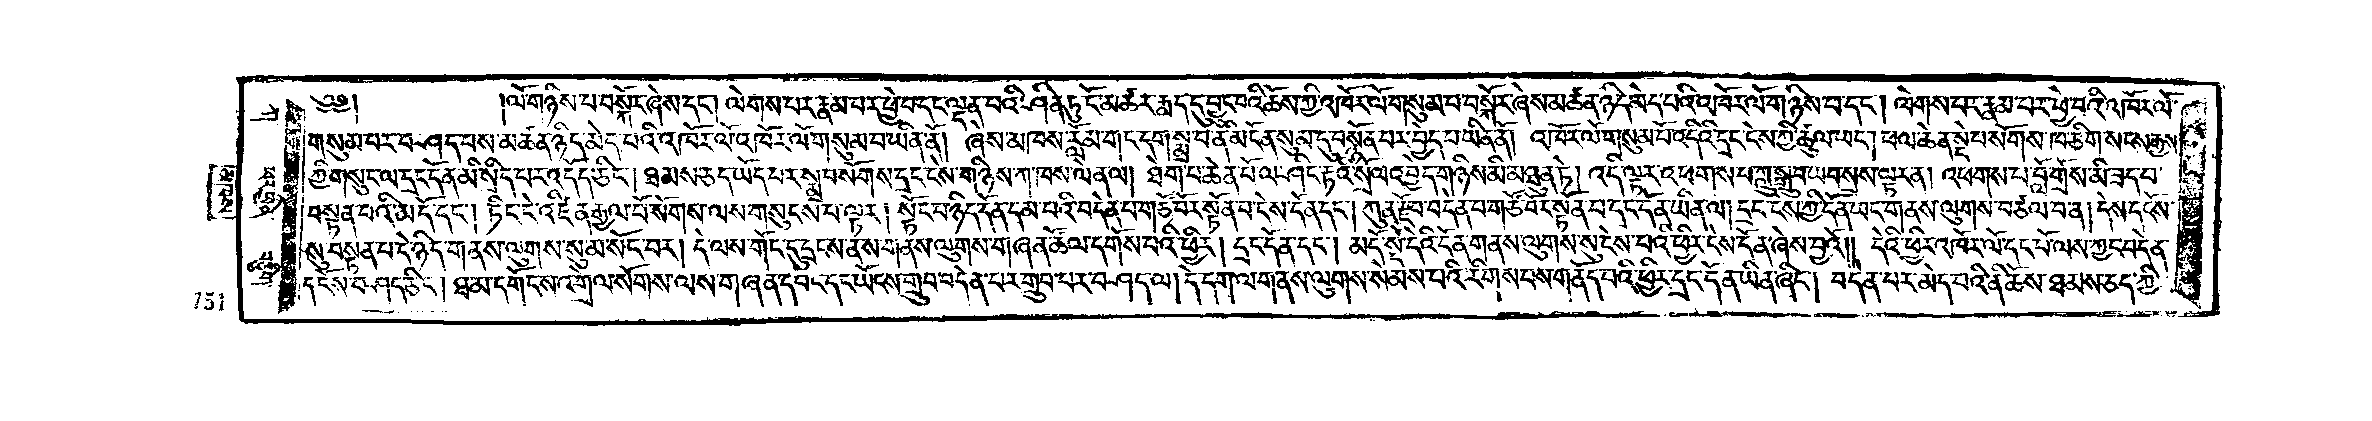༄༅། །ལོ་གཉིས་པ་བསྐོར་ཞེས་དང་། ལེགས་པར་རྣམ་པར་ཕྱེ་བ་དང་ལྡན་པའི་ཤིན་ཏུ་ངོ་མཚར་རྨད་དུ་བྱུང་བའི་ཆོས་ཀྱི་འཁོར་ལོ་གསུམ་པ་བསྐོར་ཞེས་མཚན་ཉིད་མེད་པའི་འཁོར་ལོ་གཉིས་པ་དང་། ལེགས་པར་རྣམ་པར་ཕྱེ་བའི་འཁོར་ལོ་
གསུམ་པར་བཤད་པས་མཚན་ཉིད་མེད་པའི་འཁོར་ལོ་འཁོར་ལོ་གསུམ་པ་ཡིན་ནོ། ཞེས་མཁས་རློམ་གང་དག་སྨྲ་བ་ནི་མངོན་སུམ་དུ་བསྙོན་པར་བྱེད་པ་ཡིན་ནོ། འཁོར་ལོ་གསུམ་པོ་འདིའི་དྲང་ངེས་ཀྱི་ཚུལ་ཡང་། ཕལ་ཆེན་སྡེ་པ་སོགས་ཁ་ཅིག་སངས་རྒྱས་
ཀྱི་གསུང་ལ་དྲང་དོན་མི་སྲིད་པར་འདོད་ཅིང་། ཐམས་ཅད་ཡོད་པར་སྨྲ་བ་སོགས་དྲང་ངེས་གཉིས་ཀ་ཁས་ལེན་ལ། ཐེག་པ་ཆེན་པོ་ལ་ཤིང་རྟའི་སྲོལ་འབྱེད་གཉིས་མི་མཐུན་ཏེ། འདི་ལྟར་འཕགས་པ་ཀླུ་སྒྲུབ་ཡབ་སྲས་ལྟར་ན། འཕགས་པ་བློ་གྲོས་མི་ཟད་པ་
བསྟན་པའི་མདོ་དང་། ཏིང་ངེ་འཛིན་རྒྱལ་པོ་སོགས་ལས་གསུངས་པ་ལྟར། སྟོང་པ་ཉིད་དོན་དམ་པའི་བདེན་པ་གཙོ་བོར་སྟོན་པ་ངེས་དོན་དང་། ཀུན་རྫོབ་བདེན་པ་གཙོ་བོར་སྟོན་པ་དྲང་དོན་ཡིན་ལ། དྲང་ངེས་ཀྱི་དོན་ཡང་གནས་ལུགས་བཙལ་བ་ན། དེས་དངོས་
སུ་བསྟན་པ་དེ་ཉིད་གནས་ལུགས་སུ་མ་སོང་བར། དེ་ལས་གོང་དུ་དྲངས་ནས་གནས་ལུགས་གཞན་ཚོལ་དགོས་པའི་ཕྱིར། དྲང་དོན་དང་། མདོ་སྡེ་དེའི་དོན་གནས་ལུགས་སུ་ངེས་པའི་ཕྱིར་ངེས་དོན་ཞེས་བྱའོ། །དེའི་ཕྱིར་འཁོར་ལོ་དང་པོ་ལས་ཀྱང་བདེན་
དངོས་བཤད་ཅིང་། ཐ་མ་དགོངས་འགྲེལ་སོགས་ལས་གཞན་དབང་དང་ཡོངས་གྲུབ་བདེན་པར་གྲུབ་པར་བཤད་ལ། དེ་དག་ལ་གནས་ལུགས་སེམས་པའི་རིགས་པས་གནོད་པའི་ཕྱིར་དྲང་དོན་ཡིན་ཞིང་། བདེན་པར་མེད་པའི་ནི་ཆོས་ཐམས་ཅད་ཀྱི་